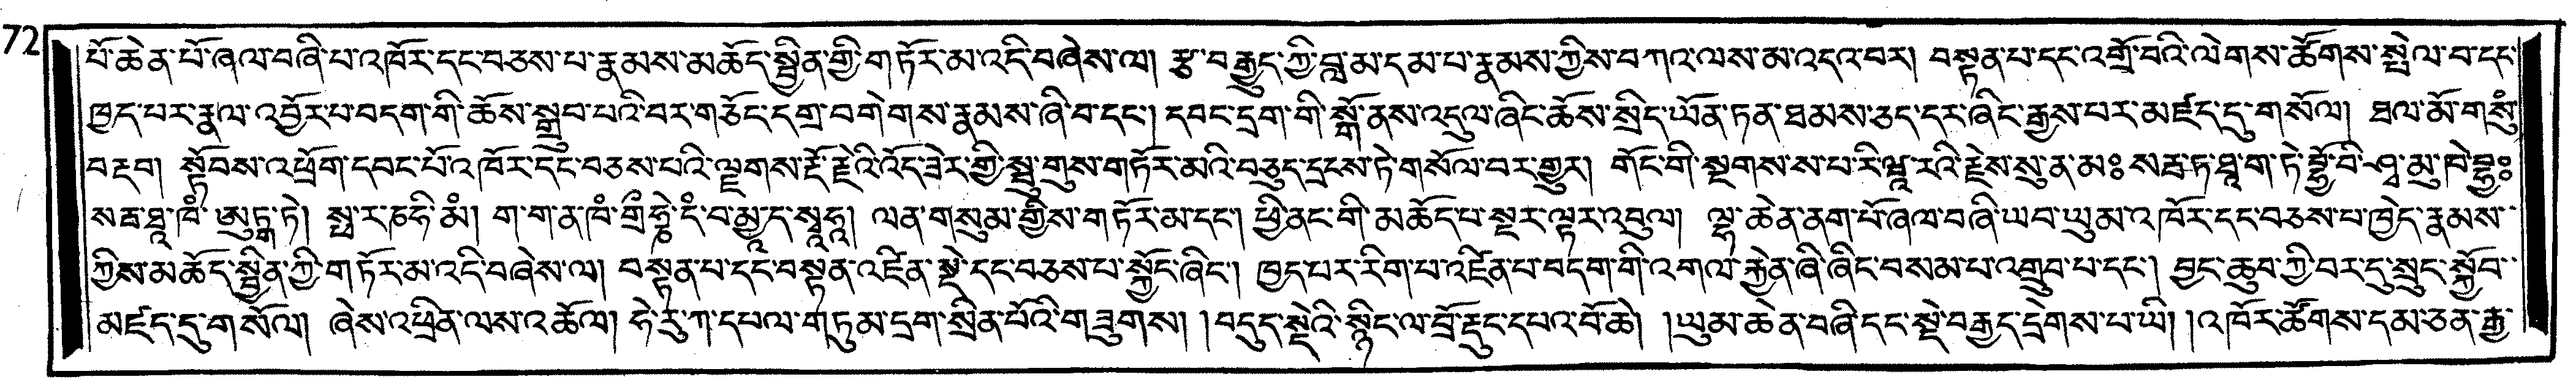པོ་ཆེན་པོ་ཞལ་བཞི་པ་འཁོར་དང་བཅས་པ་རྣམས་མཆོད་སྦྱིན་གྱི་གཏོར་མ་འདི་བཞེས་ལ། རྩ་བརྒྱུད་ཀྱི་བླ་མ་དམ་པ་རྣམས་ཀྱིས་བཀའ་ལས་མ་འདའ་བར། བསྟན་པ་དང་འགྲོ་བའི་ལེགས་ཚོགས་སྤེལ་བ་དང་
ཁྱད་པར་རྣལ་འབྱོར་པ་བདག་གི་ཆོས་སྒྲུབ་པའི་བར་གཅོད་དགྲ་བགེགས་རྣམས་ཞི་བ་དང་། དབང་དྲག་གི་སྒོ་ནས་འདུལ་ཞིང་ཆོས་སྲིད་ཡོན་ཏན་ཐམས་ཅད་དར་ཞིང་རྒྱས་པར་མཛད་དུ་གསོལ། ཐལ་མོ་གསུམ་
བརྡབ། སྟོབས་འཕྲོག་དབང་པོ་འཁོར་དང་བཅས་པའི་ལྗགས་རྡོ་རྗེའི་འོད་ཟེར་གྱི་སྦུ་གུས་གཏོར་མའི་བཅུད་དྲངས་ཏེ་གསོལ་བར་གྱུར། གོང་གི་སྔགས་ས་པ་རི་ཝཱ་རའི་རྗེས་སུ་ན་མཿ སརྦ་ཏ་ཐཱ་ག་ཏེ་བྷྱོ་བི་ཤྭ་མུ་ཁེ་བྷྱཿ
སརྦ་ཐཱ་ཁཾ་ཨུཏྒ་ཏེ། སྥ་ར་ཎྷི་མཾ། ག་ག་ན་ཁཾ་གྲྀ་ཧྞེ་དཾ་བ་མྱཱ་ད་སྭཱ་ཧཱ། ལན་གསུམ་གྱིས་གཏོར་མ་དང་། ཕྱི་ནང་གི་མཆོད་པ་སྔར་ལྟར་འབུལ། ལྷ་ཆེན་ནག་པོ་ཞལ་བཞི་ཡབ་ཡུམ་འཁོར་དང་བཅས་པ་ཁྱེད་རྣམས་
ཀྱིས་མཆོད་སྦྱིན་གྱི་གཏོར་མ་འདི་བཞེས་ལ། བསྟན་པ་དང་བསྟན་འཛིན་སྡེ་དང་བཅས་པ་སྐྱོང་ཞིང་། ཁྱད་པར་རིག་པ་འཛིན་པ་བདག་གི་འགལ་རྐྱེན་ཞི་ཞིང་བསམ་པ་འགྲུབ་པ་དང་། བྱང་ཆུབ་ཀྱི་བར་དུ་སྲུང་སྐྱོབ་
མཛད་དུ་གསོལ། ཞེས་འཕྲིན་ལས་འཆོལ། ཧེ་རུ་ཀ་དཔལ་གཏུམ་དྲག་སྲིན་པོའི་གཟུགས། །བདུད་སྡེའི་སྙིང་ལ་བྲོ་རྡུང་དཔའ་བོ་ཆེ། །ཡུམ་ཆེན་བཞི་དང་སྡེ་བརྒྱད་དྲེགས་པ་ཡི། །འཁོར་ཚོགས་དམ་ཅན་རྒྱ་